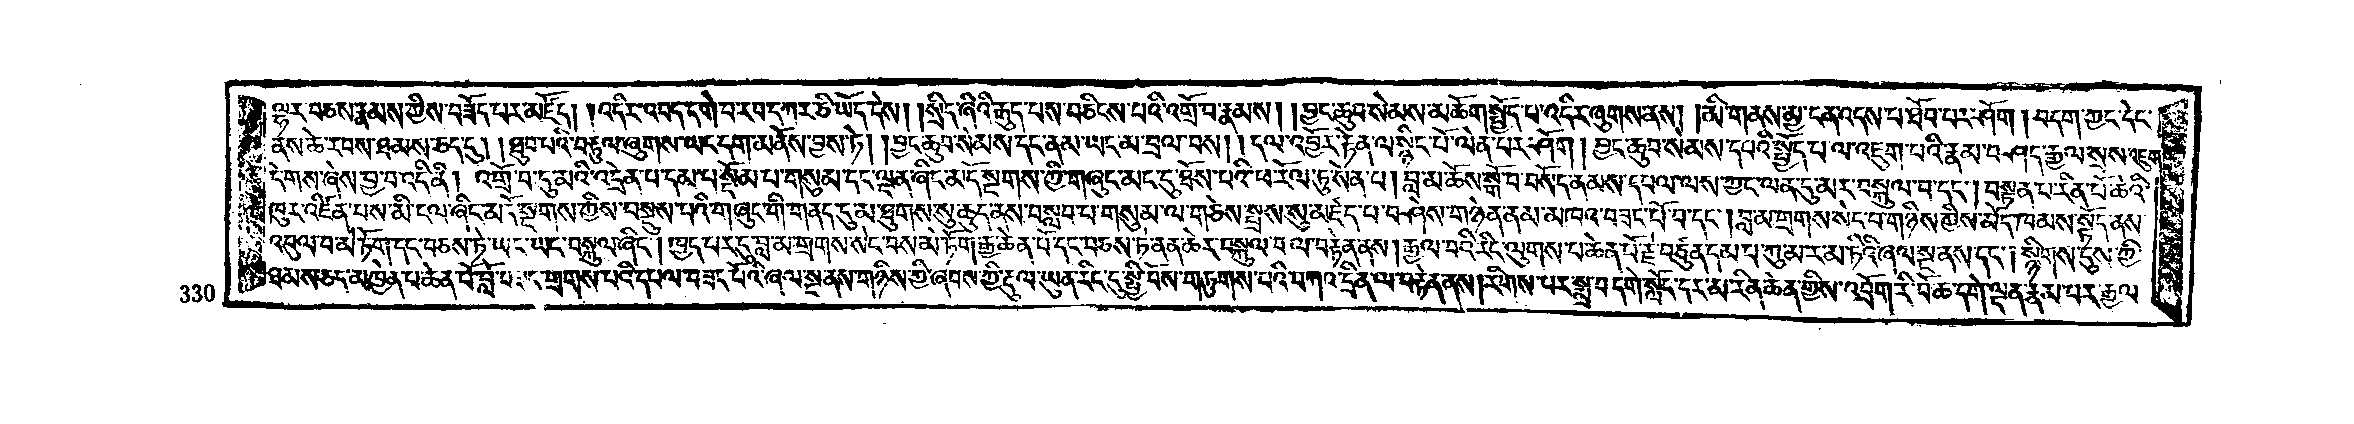ལྷར་བཅས་རྣམས་ཀྱིས་བཟོད་པར་མཛོད། །འདིར་འབད་དགེ་བ་རབ་དཀར་ཅི་ཡོད་དེས། །སྲིད་ཞིའི་རྒུད་པས་བཅིངས་པའི་འགྲོ་བ་རྣམས། །བྱང་ཆུབ་མཆོག་སྤྱོད་པ་འདིར་ཞུགས་ནས། །མི་གནས་མྱ་ངན་འདས་པ་ཐོབ་པར་ཤོག །བདག་ཀྱང་དེང་
ནས་ཚེ་རབས་ཐམས་ཅད་དུ། །ཐུབ་པའི་བརྟུལ་ཞུགས་ཡང་དག་མནོས་བྱས་ཏེ། །བྱང་ཆུབ་སེམས་དང་ནམ་ཡང་མ་བྲལ་བས། །དལ་འབྱོར་རྟེན་ལ་སྙིང་པོ་ལེན་པར་ཤོག །བྱང་ཆུབ་སེམས་དཔའི་སྤྱོད་པ་ལ་འཇུག་པའི་རྣམ་བཤད་རྒྱལ་སྲས་འཇུག་
ངོགས་ཞེས་བྱ་བ་འདི་ནི། འགྲོ་བ་དུ་མའི་འདྲེན་པ་དམ་པ་སྡོམ་པ་གསུམ་དང་ལྡན་ཞིང་མདོ་སྔགས་ཀྱི་གཞུང་མང་དུ་ཐོས་པའི་ཕ་རོལ་ཏུ་སེན་པ། བླ་མ་ཆོས་སྒོ་བ་བསོད་ནམས་དཔལ་ལས་ཀྱང་ལན་དུ་མར་བསྐུལ་བ་དང་། བསྟན་པ་རིན་པོ་ཆེའི་
ཁུར་འཛིན་པས་མི་ངལ་ཞིང་མདོ་སྔགས་ཀྱིས་བསྡུས་པའི་གཞུང་གི་གནད་དུ་མ་ཐུགས་སུ་ཆུད་ནས་བསླབ་པ་གསུམ་ལ་གཅེས་སྤྲས་སུ་མཛད་པ་བཤེས་གཉེན་ནམ་མཁའ་བཟང་པོ་བ་དང་། བླ་མ་གྲགས་སེང་པ་གཉིས་ཀྱིས་མདོ་ཁམས་སྟོད་ནས་
འབུལ་བ་མེ་ཏོག་དང་བཅས་ཏེ་ཡང་ཡང་བསྐུལ་ཞིང་། ཁྱད་པར་དུ་བླ་མ་གྲགས་སེང་བས་མེ་ཏོག་རྒྱ་ཆེན་པོ་དང་བཅས་ཏེ་ནན་ཆེར་བསྐུལ་བ་ལ་བརྟེན་ནས། རྒྱལ་བའི་རིང་ལུགས་པ་ཆེན་པོ་རྗེ་བཙུན་དམ་པ་ཀུ་མ་ར་མ་ཏིའི་ཞལ་སྔ་ནས་དང་། སྙིགས་དུས་ཀྱི་
ཐམས་ཅད་མཁྱེན་པ་ཆེན་པོ་བློ་བཟང་གྲགས་པའི་དཔལ་བཟང་པོའི་ཞལ་སྔ་ནས་གཉིས་ཀྱི་ཞབས་ཀྱི་རྡུལ་ཡུན་རིང་དུ་སྤྱི་བོས་གཏུགས་པའི་བཀའ་དྲིན་ལ་བརྟེན་ནས། རིགས་པར་སྨྲ་བ་དགེ་སློང་དར་མ་རིན་ཆེན་གྱིས་འབྲོག་རི་བོ་ཆེ་དགེ་ལྡན་རྣམ་པར་རྒྱལ་